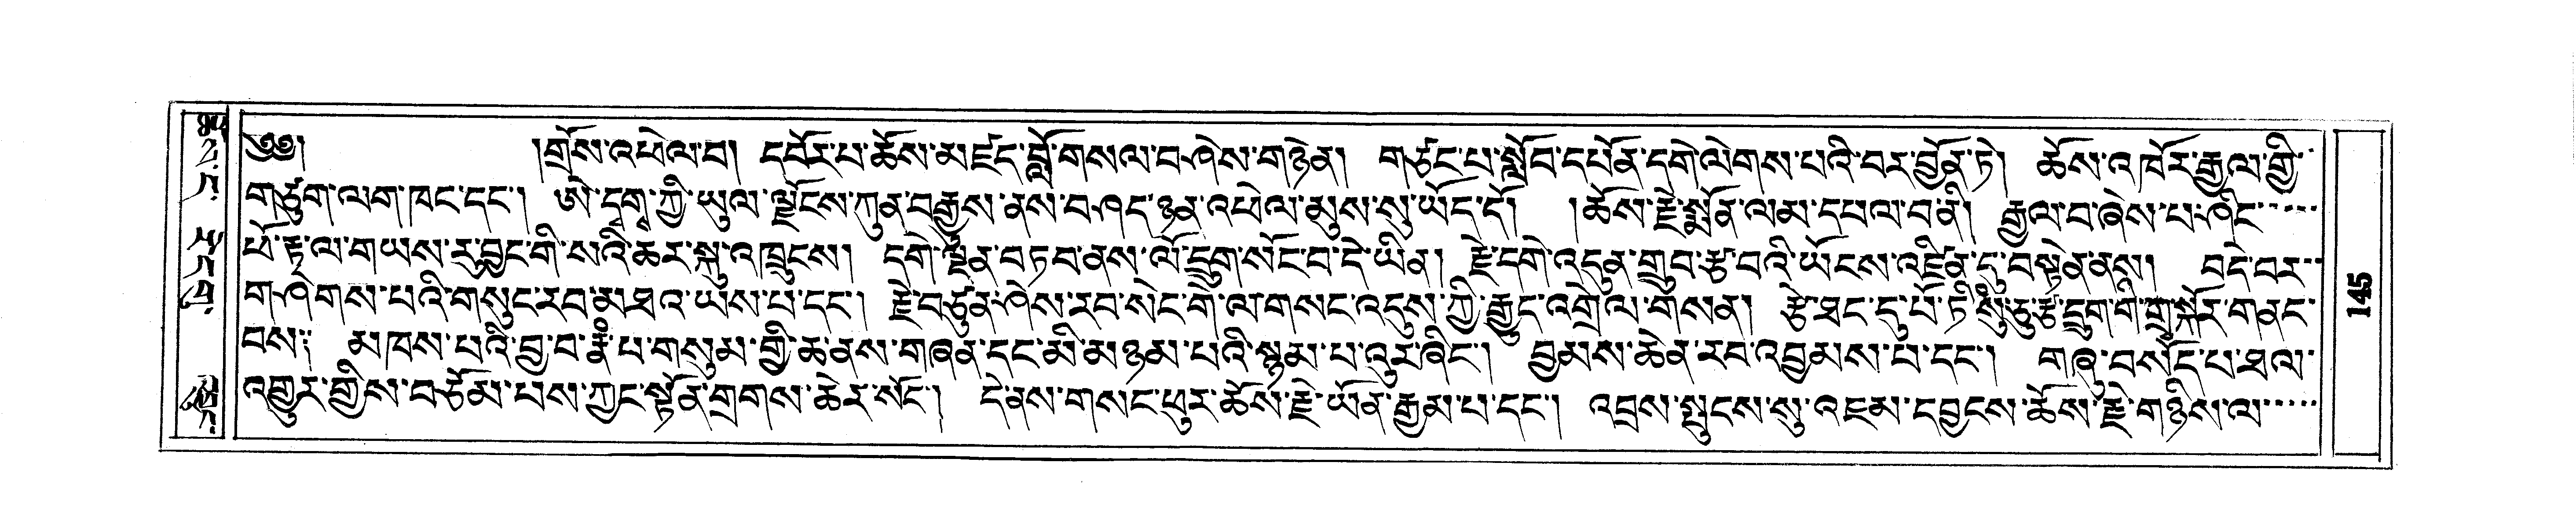༄༅། །གྲོས་འཕེལ་བ། དབོར་པ་ཆོས་མཛད་བློ་གསལ་བཤེས་གཉེན། གཙང་པ་སློབ་དཔོན་དགེ་ལེགས་པའི་བར་བྱོན་ཏེ། ཆོས་འཁོར་རྒྱལ་གྱི་
གཙུག་ལག་ཁང་དང་། ཨེ་དྭགས་ཀྱི་ཡུལ་ལྗོངས་ཀུན་བརྒྱུས་ནས་བཤད་ཉན་འཕེལ་མུས་སུ་ཡོད་དོ། །ཆོས་རྗེ་སྨོན་ལམ་དཔལ་བ་ནི། རྒྱལ་བ་ཞེས་པ་ཤིང་
ཕོ་རྟ་ལ་གཡས་རུ་བྱང་གི་སའི་ཆར་སྐུ་འཁྲུངས། དགེ་ལྡན་བཏབ་ནས་ལོ་དྲུག་སོང་བ་དེ་ཡིན། རྗེ་དགེ་འདུན་གྲུབ་རྩ་བའི་ཡོངས་འཛིན་དུ་བསྟེན་ནས། བདེ་བར་
གཤེགས་པའི་གསུང་རབ་མཐའ་ཡས་པ་དང་། རྗེ་བཙུན་ཤེས་རབ་སེང་གེ་ལ་གསང་འདུས་ཀྱི་རྒྱུད་འགྲེལ་གསན། རྩེ་ཐང་དུ་པོ་ཏི་སུཾ་ཅུ་རྩ་དྲུག་གི་གྲ་སྐོར་གནང་
བས༑ མཁས་པའི་བྱ་བ་རྣཾ་པ་གསུམ་གྱི་ཆ་ནས་གཞན་དང་མི་མཉམ་པའི་སྙམ་པ་འུར་ཞིང་། བྱམས་ཆེན་རབ་འབྱམས་པ་དང་། གཞུ་བསོད་པ་ཐལ་
འགྱུར་གྱིས་བཅོམ་པས་ཀྱང་སྟོན་གྲགས་ཆེར་སོང་། དེ་ནས་གསང་ཕུར་ཆོས་རྗེ་ཡོན་རྒྱམ་པ་དང་། འབྲས་སྤུངས་སུ་འཇམ་དབྱངས་ཆོས་རྗེ་གཉིས་ལ་